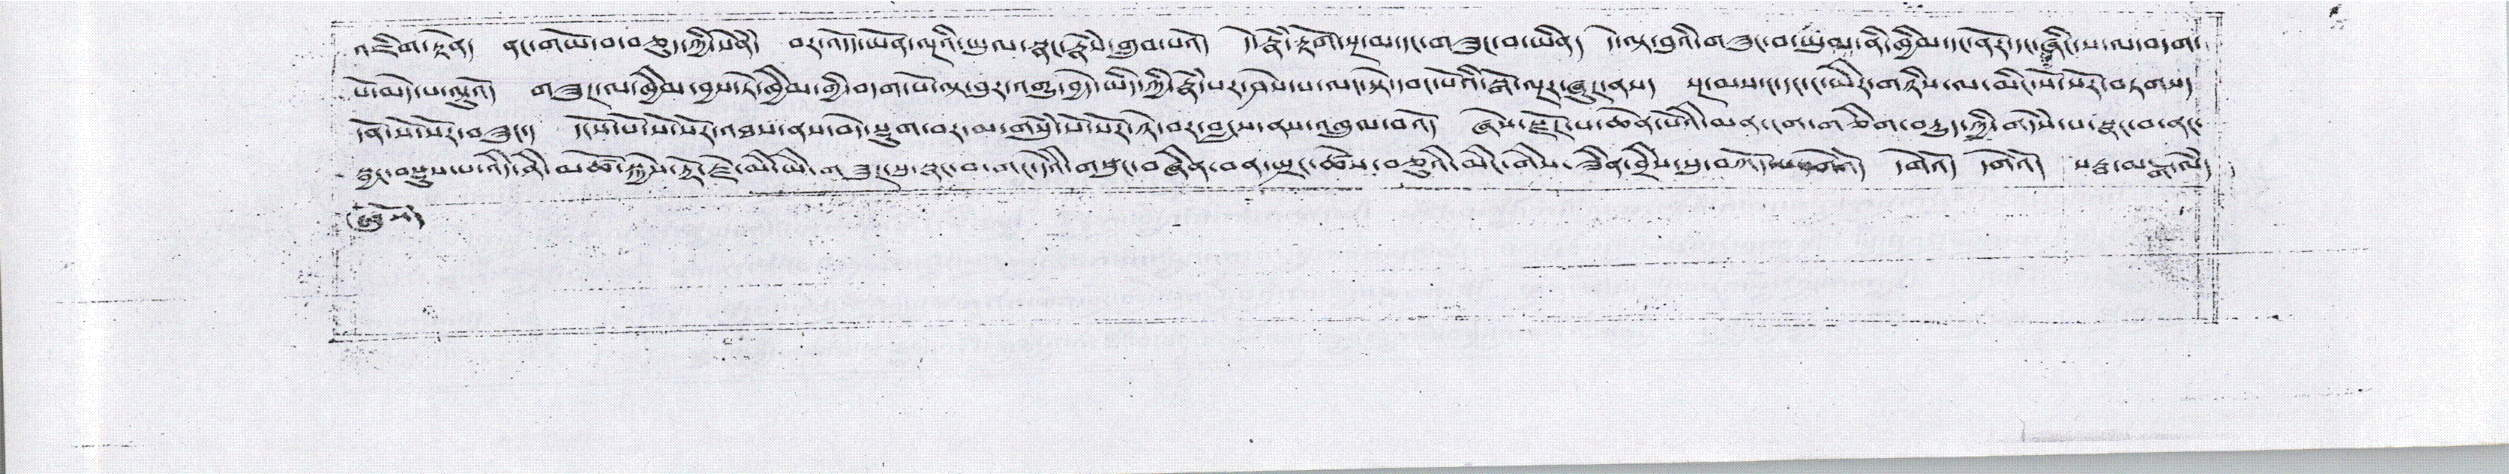འཇིག་རྟེན། ནང་གཡོ་བ་བཅུད་ཀྱི་སེམས་ཅན། བར་འདོད་ཡོན་ལྔའི་ཡུལ་སྣང་རྣམས་གྲུབ་པའོ། དེ་རྣམ་རྟོག་སྔ་མ་དང་གཟུང་བ་ཡིན། དེ་ལྟ་བུའི་གཟུང་བ་ཡུལ་ནི་ཁྱིམ་དང་ནོར་དང་ཞིང་ས་ལ་བདག་
པོ་མེད་པ་ལྟ་བུའོ། གཟུགས་ལ་ཁྱིམ་བྱས་ཏེ་ཁྱིམ་གྱི་བདག་པོ་ལྟ་བུར་འགྱུ་བྱེད་ཡིད་ཀྱི་རྣམ་པར་ཤེས་པ་ལངས་ཏེ་དབང་པོའི་སྒོ་ལྔར་ཞུགས་ནས། སྔ་མས་ང་དང་ང་ཡིར་གཉིས་ལ་མིང་སོ་སོར་བཏགས་
དོན་སོ་སོར་བཟུང་། དངོས་པོ་སོ་སོར་འཐས་ནས་བདེ་སྡུག་བར་མ་གསུམ་སོ་སོར་ཉེ་བར་བླངས་ནས་འཁུམ་པའོ། ཞེས་རྫོགས་པ་ཆེན་པོིའི་མན་ངག་གཅིག་རྒྱུད་ཀྱི་གདམས་པ་ནང་
སྦྱང་བསྡུས་པ་འདི་ནི་མཚོ་སྐྱེས་རྡོ་རྗེ་མི་ཡི་གཟུགས་སུ་སྣང་བ་གང་དེའི་གསུང་བཞིན་བན་སྤྲང་ཚེས་བཅུའི་མིང་གིས་ཟིན་བྲིས་སུ་བཀོད་པ་དགེའོ། དགེའོ། དགེའོ། སརྦ་མངྒ་ལཾ། 
ཞུས་སོ། །